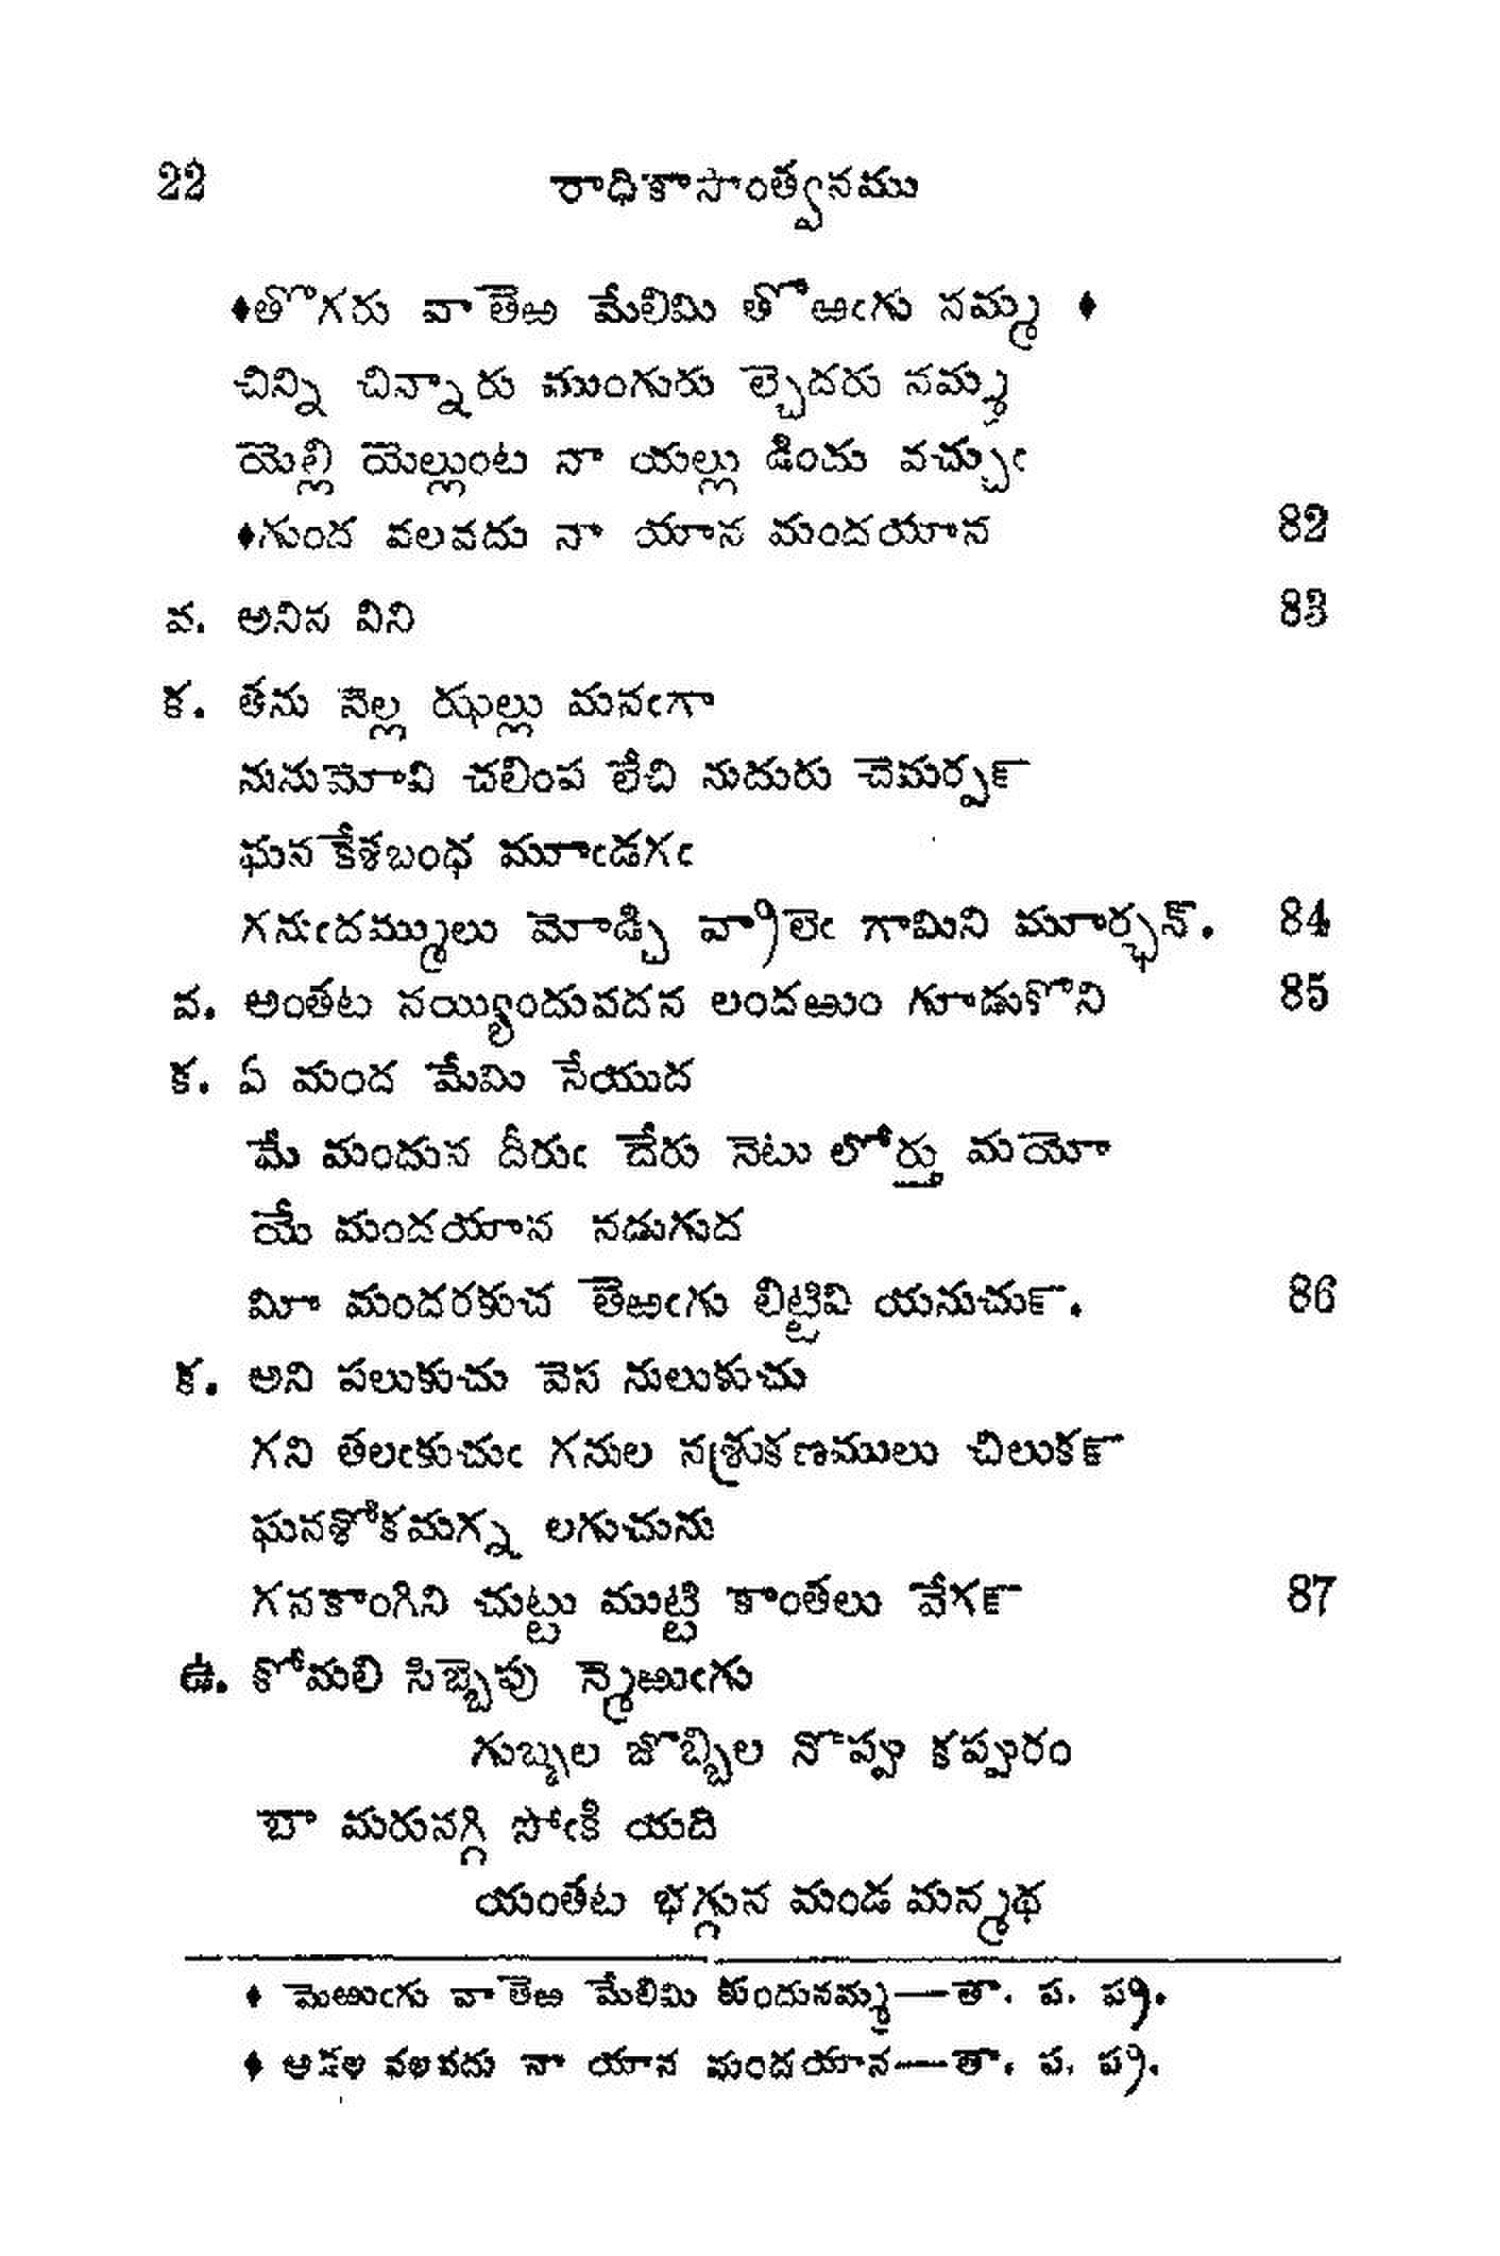తొగరు వాతెఱ మేలిమి తొఱఁగు నమ్మ
చిన్ని చిన్నారు ముంగురు ల్చెదరు నమ్మ
యెల్లి యెల్లుంట నా యల్లు డించు వచ్చుఁ
గుంద వలవదు నా యాన మందయాన. 82

వ. అనిన విని. 83

క. తను వెల్ల ఝల్లు మనఁగా
నునుమోవి చలింప లేచి నుదురు చెమర్పన్
ఘనకేశబంధ మూఁడగఁ
గనుఁదమ్ములు మోడ్చి వ్రాలెఁ గామిని మూర్ఛన్. 84

వ. అంతట నయ్యిందువదన లందఱుం గూడుకొని. 85

క. ఏ మంద మేమి సేయుదు
మే మందున దీరుఁ దేరు నెటు లోర్తు మయో
యే మందయాన నడుగుద
మీ మందరకుచ తెఱఁగు లిట్టివి యనుచున్. 86

క. అని పలుకుచు వెస నులుకుచు
గని తలఁకుచుఁ గనుల నశ్రుకణములు చిలుకన్
ఘనశోకమగ్న లగుచును
గనకాంగిని చుట్టు ముట్టి కాంతలు వేగన్. 87

ఉ. కోమలి సిబ్బెపు న్మెఱుఁగుగుబ్బల జొబ్బిల నొప్పు కప్పురం
బా మరునగ్గి సోకి యది యంతట భగ్గున మండ మన్మథ